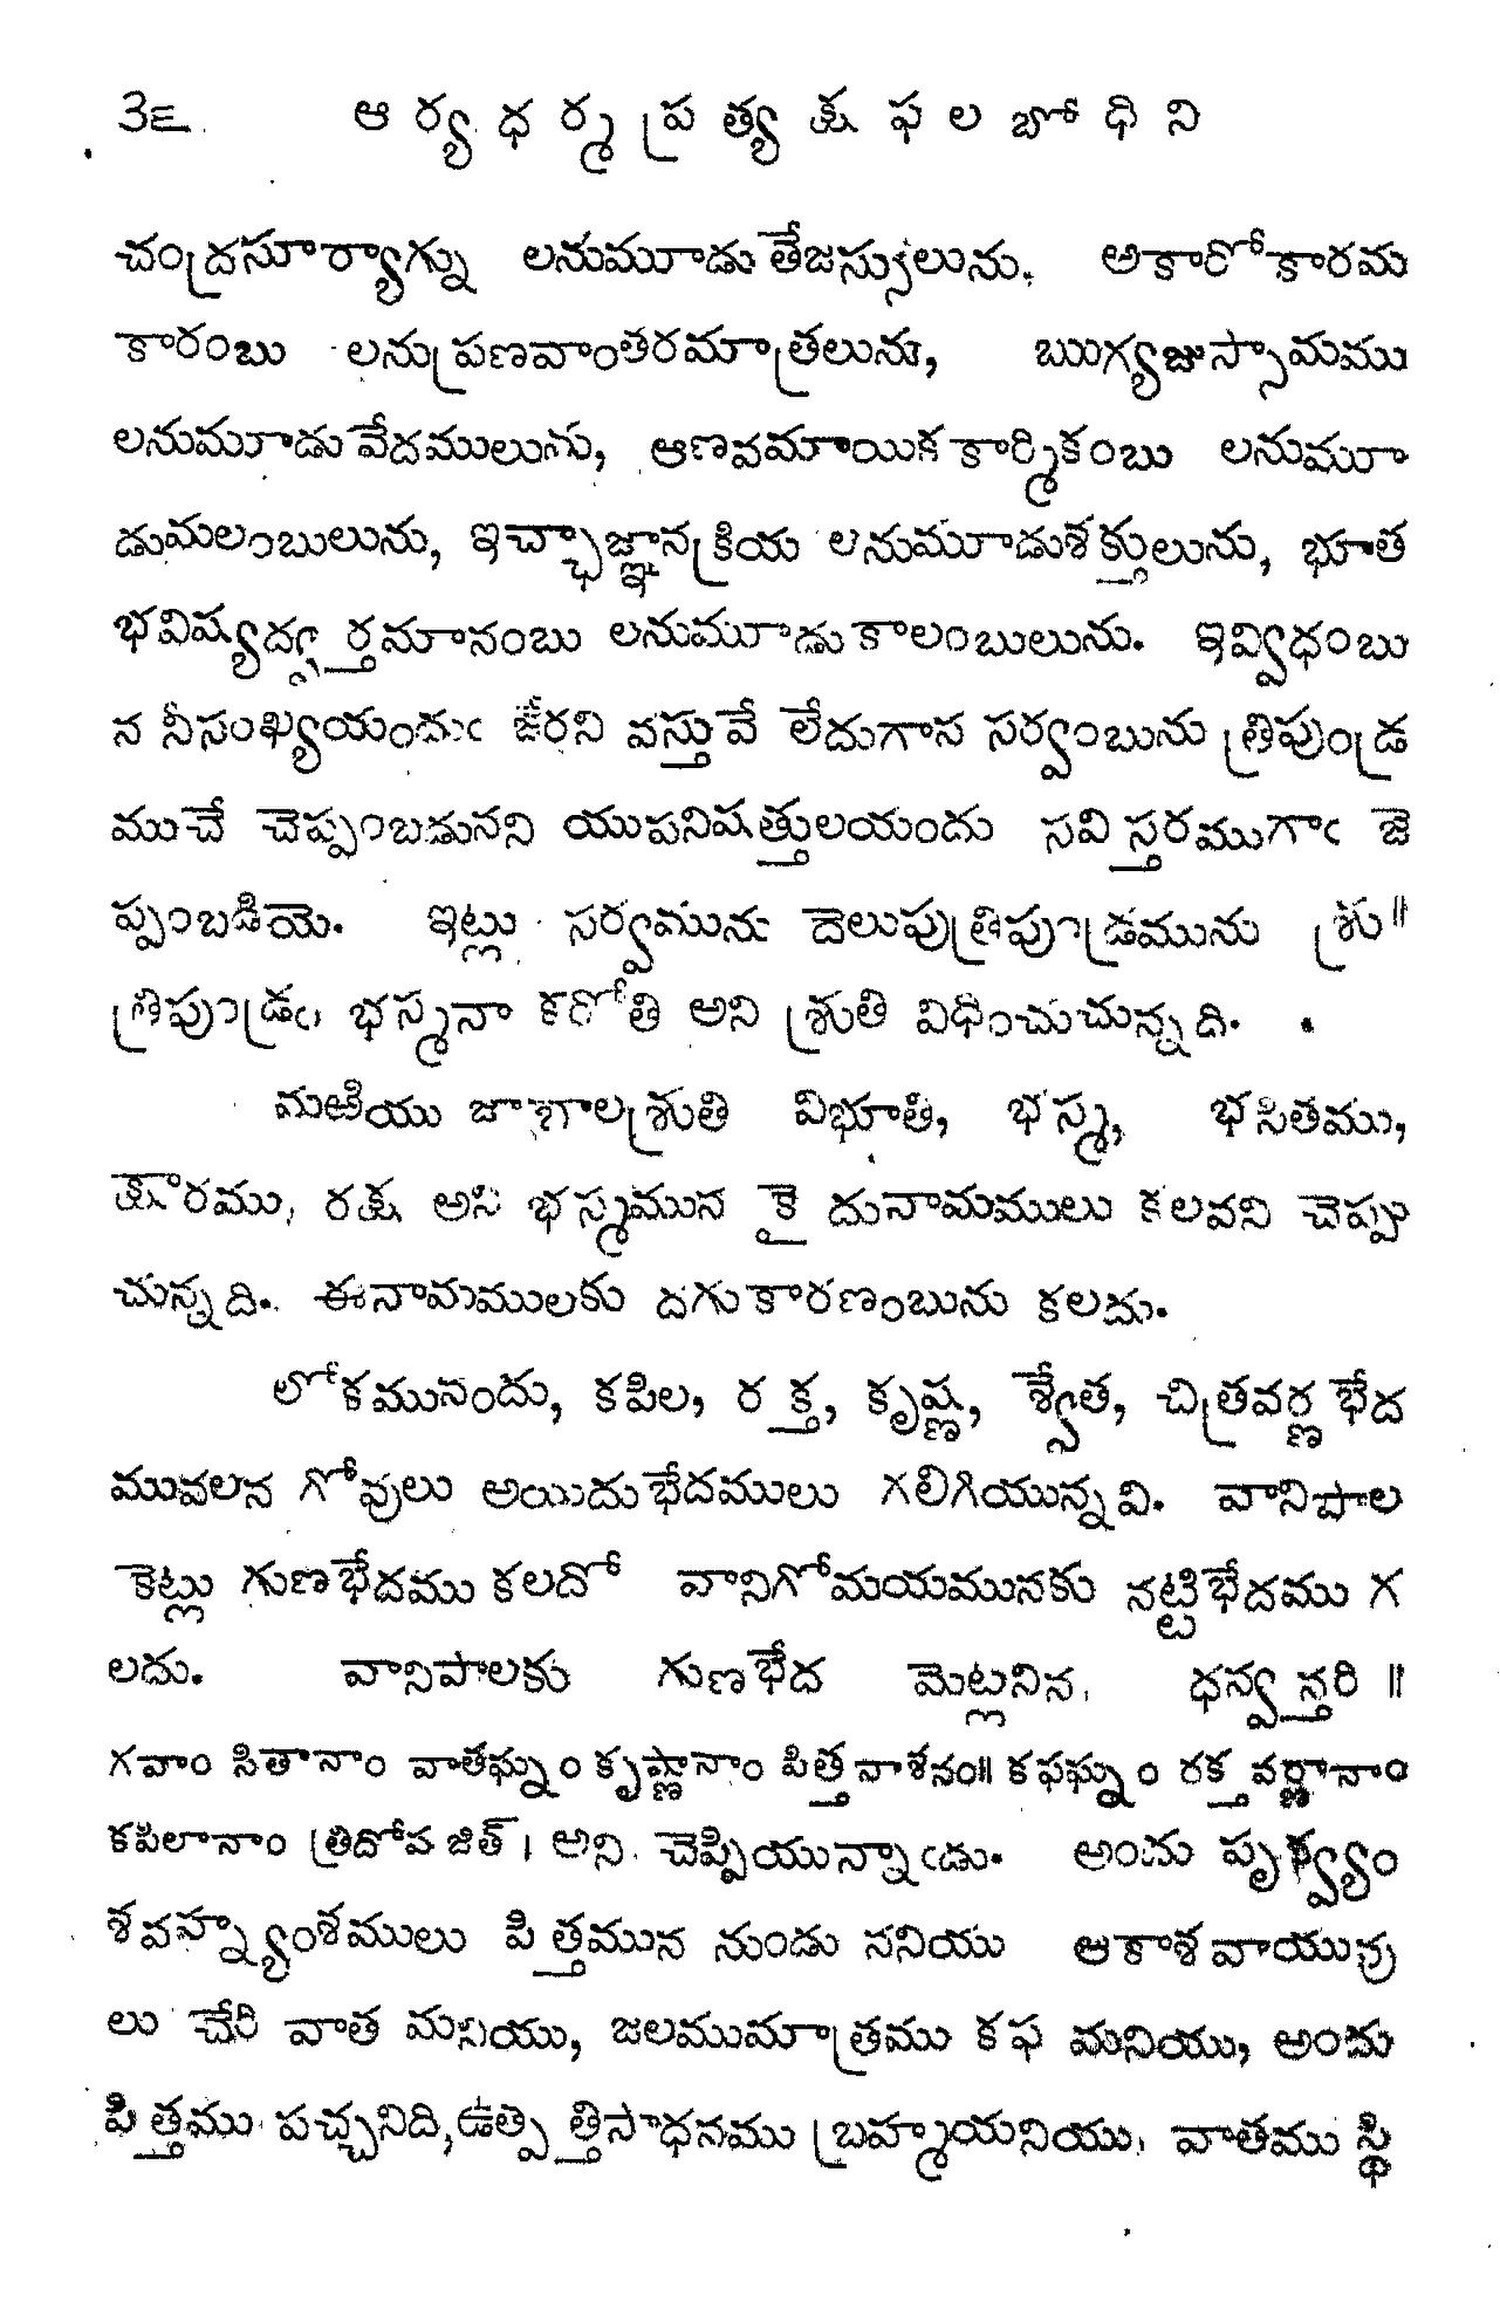చంద్రసూర్యాగ్ను లనుమూడు తేజస్సులును, అకారోకారమ కారంబు లనుప్రణవాంతరమాత్రలును, ఋగ్యజుస్సామములనుమూడువేదములును, ఆణవమాయికకార్మికంబు లనుమూడుమలంబులును, ఇచ్ఛాజ్ఞానక్రియ లనుమూడుశక్తులును, భూతభవిష్యద్వర్తమానంబు లనుమూడుకాలంబులును. ఇవ్విధంబున నీసంఖ్యయందుఁ జేరని వస్తువే లేదుగాన సర్వంబును త్రిపుండ్రముచే చెప్పంబడునని యుపనిషత్తులయందు సవిస్తరముగాఁ జెప్పంబడియె. ఇట్లు సర్వమును దెలుపుత్రిపుండ్రమును శ్రు॥
త్రిపుండ్రం భస్మనా కరోతి అని శ్రుతి విధించుచున్నది.

మఱియు జాబాలశ్రుతి విభూతి, భస్మ, భసితము, క్షారము, రక్ష అని భస్మమున కైదునామములు కలవని చెప్పుచున్నది. ఈ నామములకు దగుకారణంబును కలదు.

లోకమునందు, కపిల, రక్త, కృష్ణ, శ్వేత, చిత్రవర్ణ భేదమువలన గోవులు అయిదుభేదములు గలిగియున్నవి. వానిపాల కెట్లు గుణభేదము కలదో వానిగోమయమునకు నట్టిభేదము గలదు. వానిపాలకు గుణభేద మెట్లనిన ధన్వన్తరి ॥ గవాం సితానాం వాతఘ్నం కృష్ణానాం పిత్తనాశనం॥ కఫఘ్నం రక్తవర్ణానాం
కపిలానాం త్రిదోష జిత్ | అని చెప్పియున్నాఁడు. అందు పృథ్వ్యం శవహ్న్యంశములు పిత్తమున నుండు ననియు ఆకాశవాయువులు చేరి వాత మనియు, జలముమాత్రము కఫ మనియు, అందు పిత్తము పచ్చనిది,ఉత్పత్తిసాధనము బ్రహ్మయనియు, వాతము స్థి